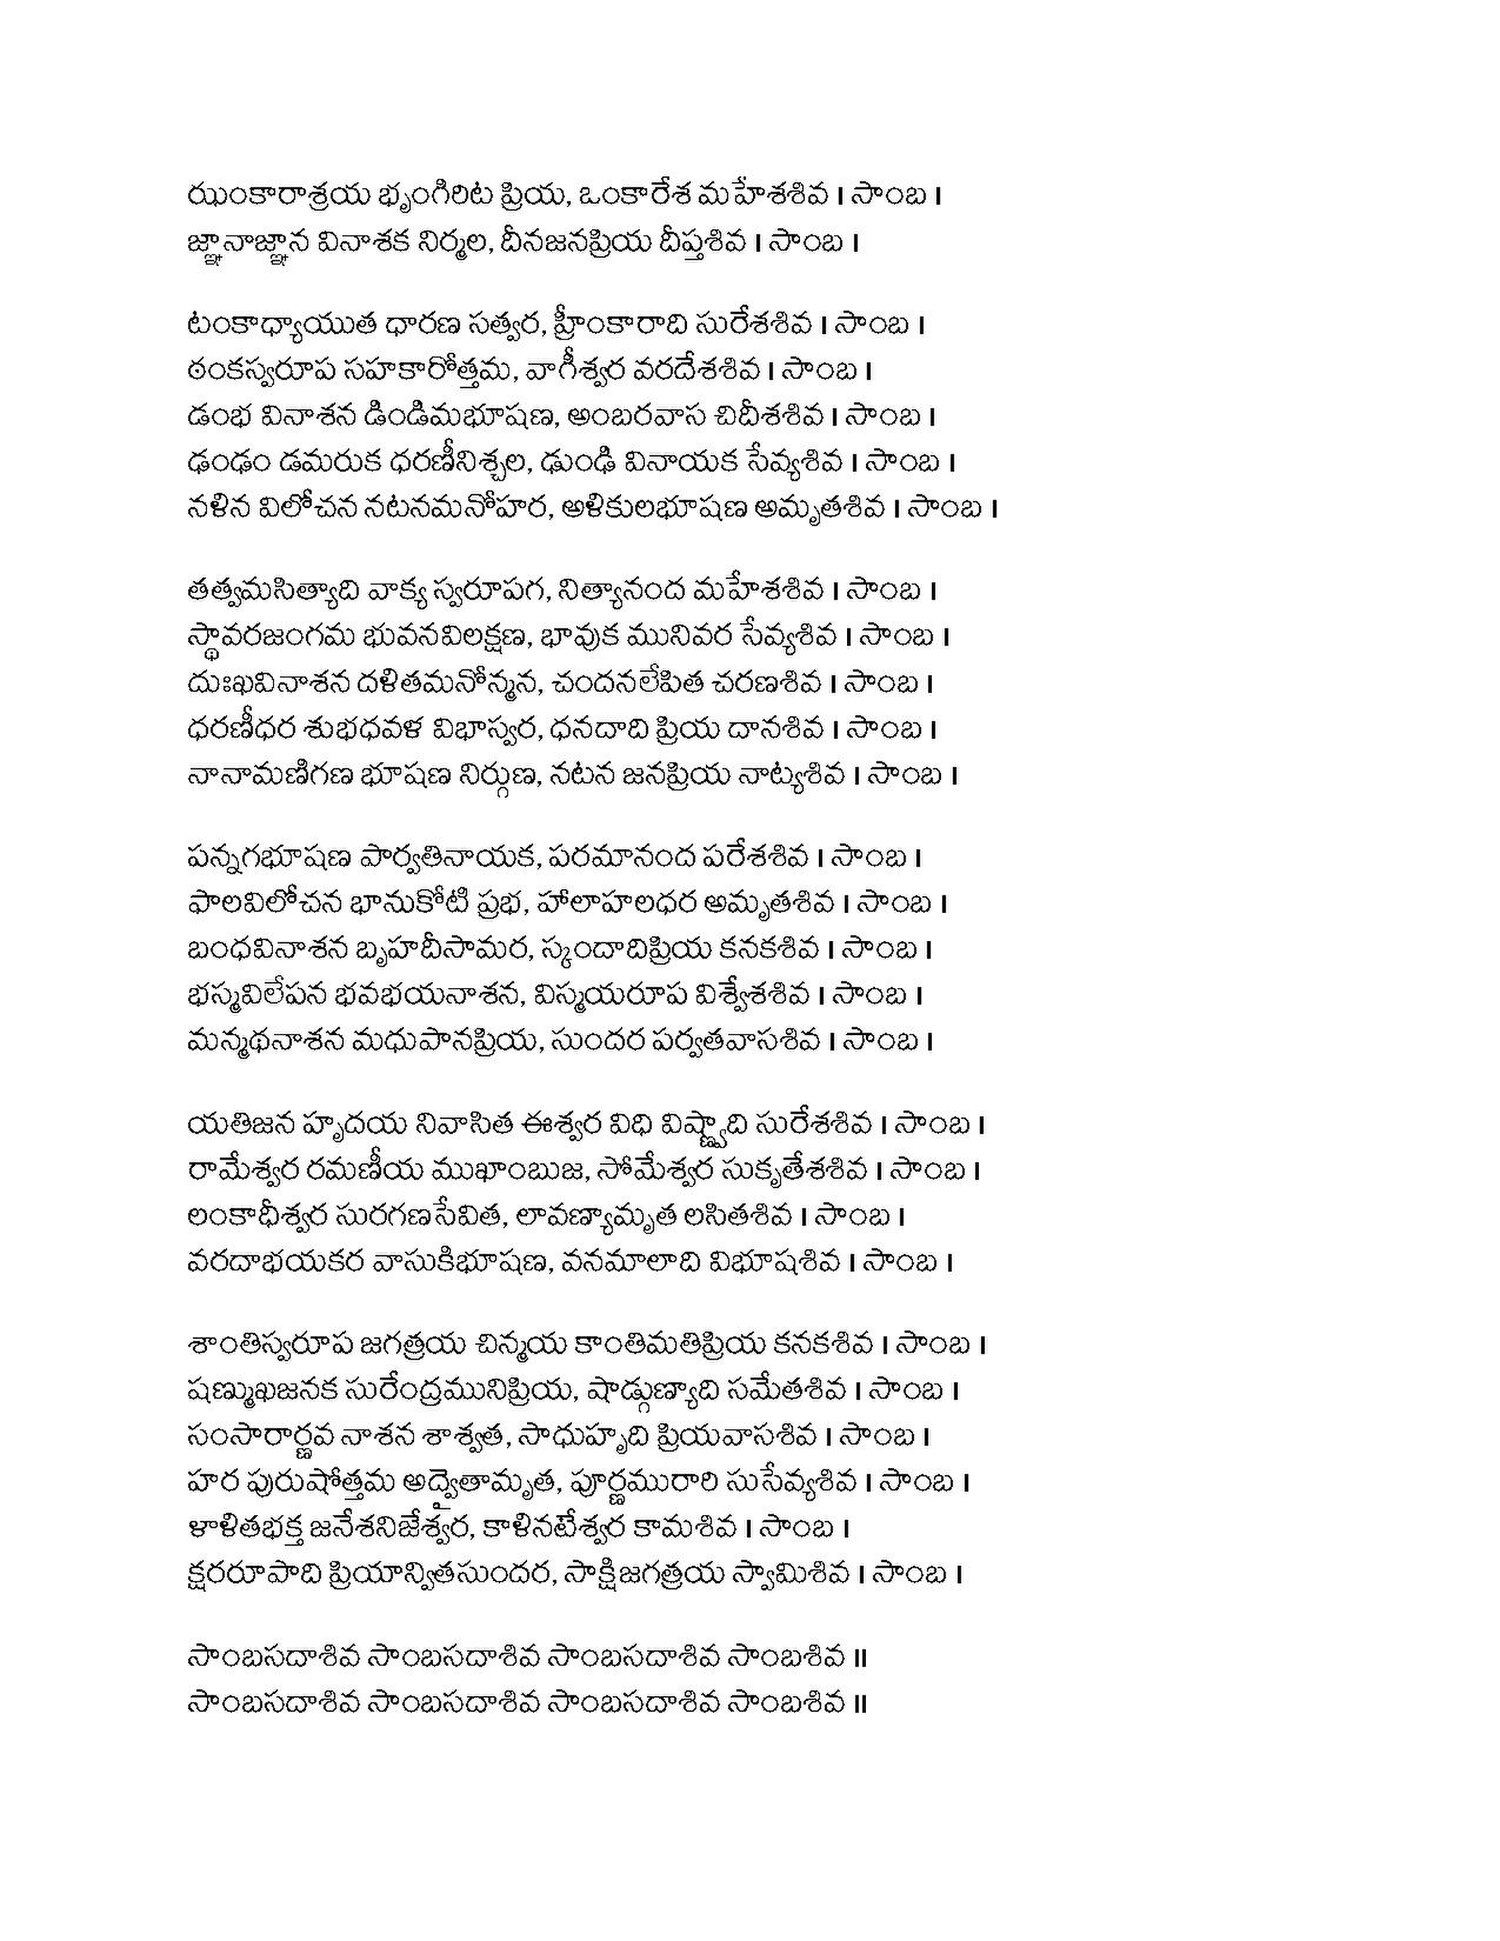ఝంకారాశ్రయ భృంగిరిట ప్రియ, ఒంకారేశ మహేశశివ | సాంబ |
జ్ఞానాజ్ఞాన వినాశక నిర్మల, దీనజనప్రియ దీప్తశివ | సాంబ |

టంకాధ్యాయుత ధారణ సత్వర, హ్రీంకారాది సురేశశివ | సాంబ |
ఠంకస్వరూప సహకారోత్తమ, వాగీశ్వర వరదేశశివ | సాంబ |
డంభ వినాశన డిండిమభూషణ, అంబరవాస చిదీశశివ | సాంబ |
ఢంఢం డమరుక ధరణీనిశ్చల, ఢుంఢి వినాయక సేవ్యశివ | సాంబ |
నళిన విలోచన నటనమనోహర, అళికులభూషణ అమృతశివ | సాంబ |

తత్వమసిత్యాది వాక్య స్వరూపగ, నిత్యానంద మహేశశివ | సాంబ |
స్థావరజంగమ భువనవిలక్షణ, భావుక మునివర సేవ్యశివ | సాంబ |
దుఃఖవినాశన దళితమనోన్మన, చందనలేపిత చరణశివ | సాంబ |
ధరణీధర శుభధవళ విభాస్వర, ధనదాది ప్రియ దానశివ | సాంబ |
నానామణిగణ భూషణ నిర్గుణ, నటన జనప్రియ నాట్యశివ | సాంబ |

పన్నగభూషణ పార్వతినాయక, పరమానంద పరేశశివ | సాంబ |
ఫాలవిలోచన భానుకోటి ప్రభ, హాలాహలధర అమృతశివ | సాంబ |
బంధవినాశన బృహదీసామర, స్కందాదిప్రియ కనకశివ | సాంబ |
భస్మవిలేపన భవభయనాశన, విస్మయరూప విశ్వేశశివ | సాంబ |
మన్మథనాశన మధుపానప్రియ, సుందర పర్వతవాసశివ | సాంబ |

యతిజన హృదయ నివాసిత ఈశ్వర విధి విష్ణ్వాది సురేశశివ | సాంబ |
రామేశ్వర రమణీయ ముఖాంబుజ, సోమేశ్వర సుకృతేశశివ | సాంబ |
లంకాధీశ్వర సురగణసేవిత, లావణ్యామృత లసితశివ | సాంబ |
వరదాభయకర వాసుకిభూషణ, వనమాలాది విభూషశివ | సాంబ |

శాంతిస్వరూప జగత్రయ చిన్మయ కాంతిమతిప్రియ కనకశివ | సాంబ |
షణ్ముఖజనక సురేంద్రమునిప్రియ, షాడ్గుణ్యాది సమేతశివ | సాంబ |
సంసారార్ణవ నాశన శాశ్వత, సాధుహృది ప్రియవాసశివ | సాంబ |
హర పురుషోత్తమ అద్వైతామృత, పూర్ణమురారి సుసేవ్యశివ | సాంబ |
ళాళితభక్త జనేశనిజేశ్వర, కాళినటేశ్వర కామశివ | సాంబ |
క్షరరూపాది ప్రియాన్వితసుందర, సాక్షిజగత్రయ స్వామిశివ | సాంబ |

సాంబసదాశివ సాంబసదాశివ సాంబసదాశివ సాంబశివ ||
సాంబసదాశివ సాంబసదాశివ సాంబసదాశివ సాంబశివ ||